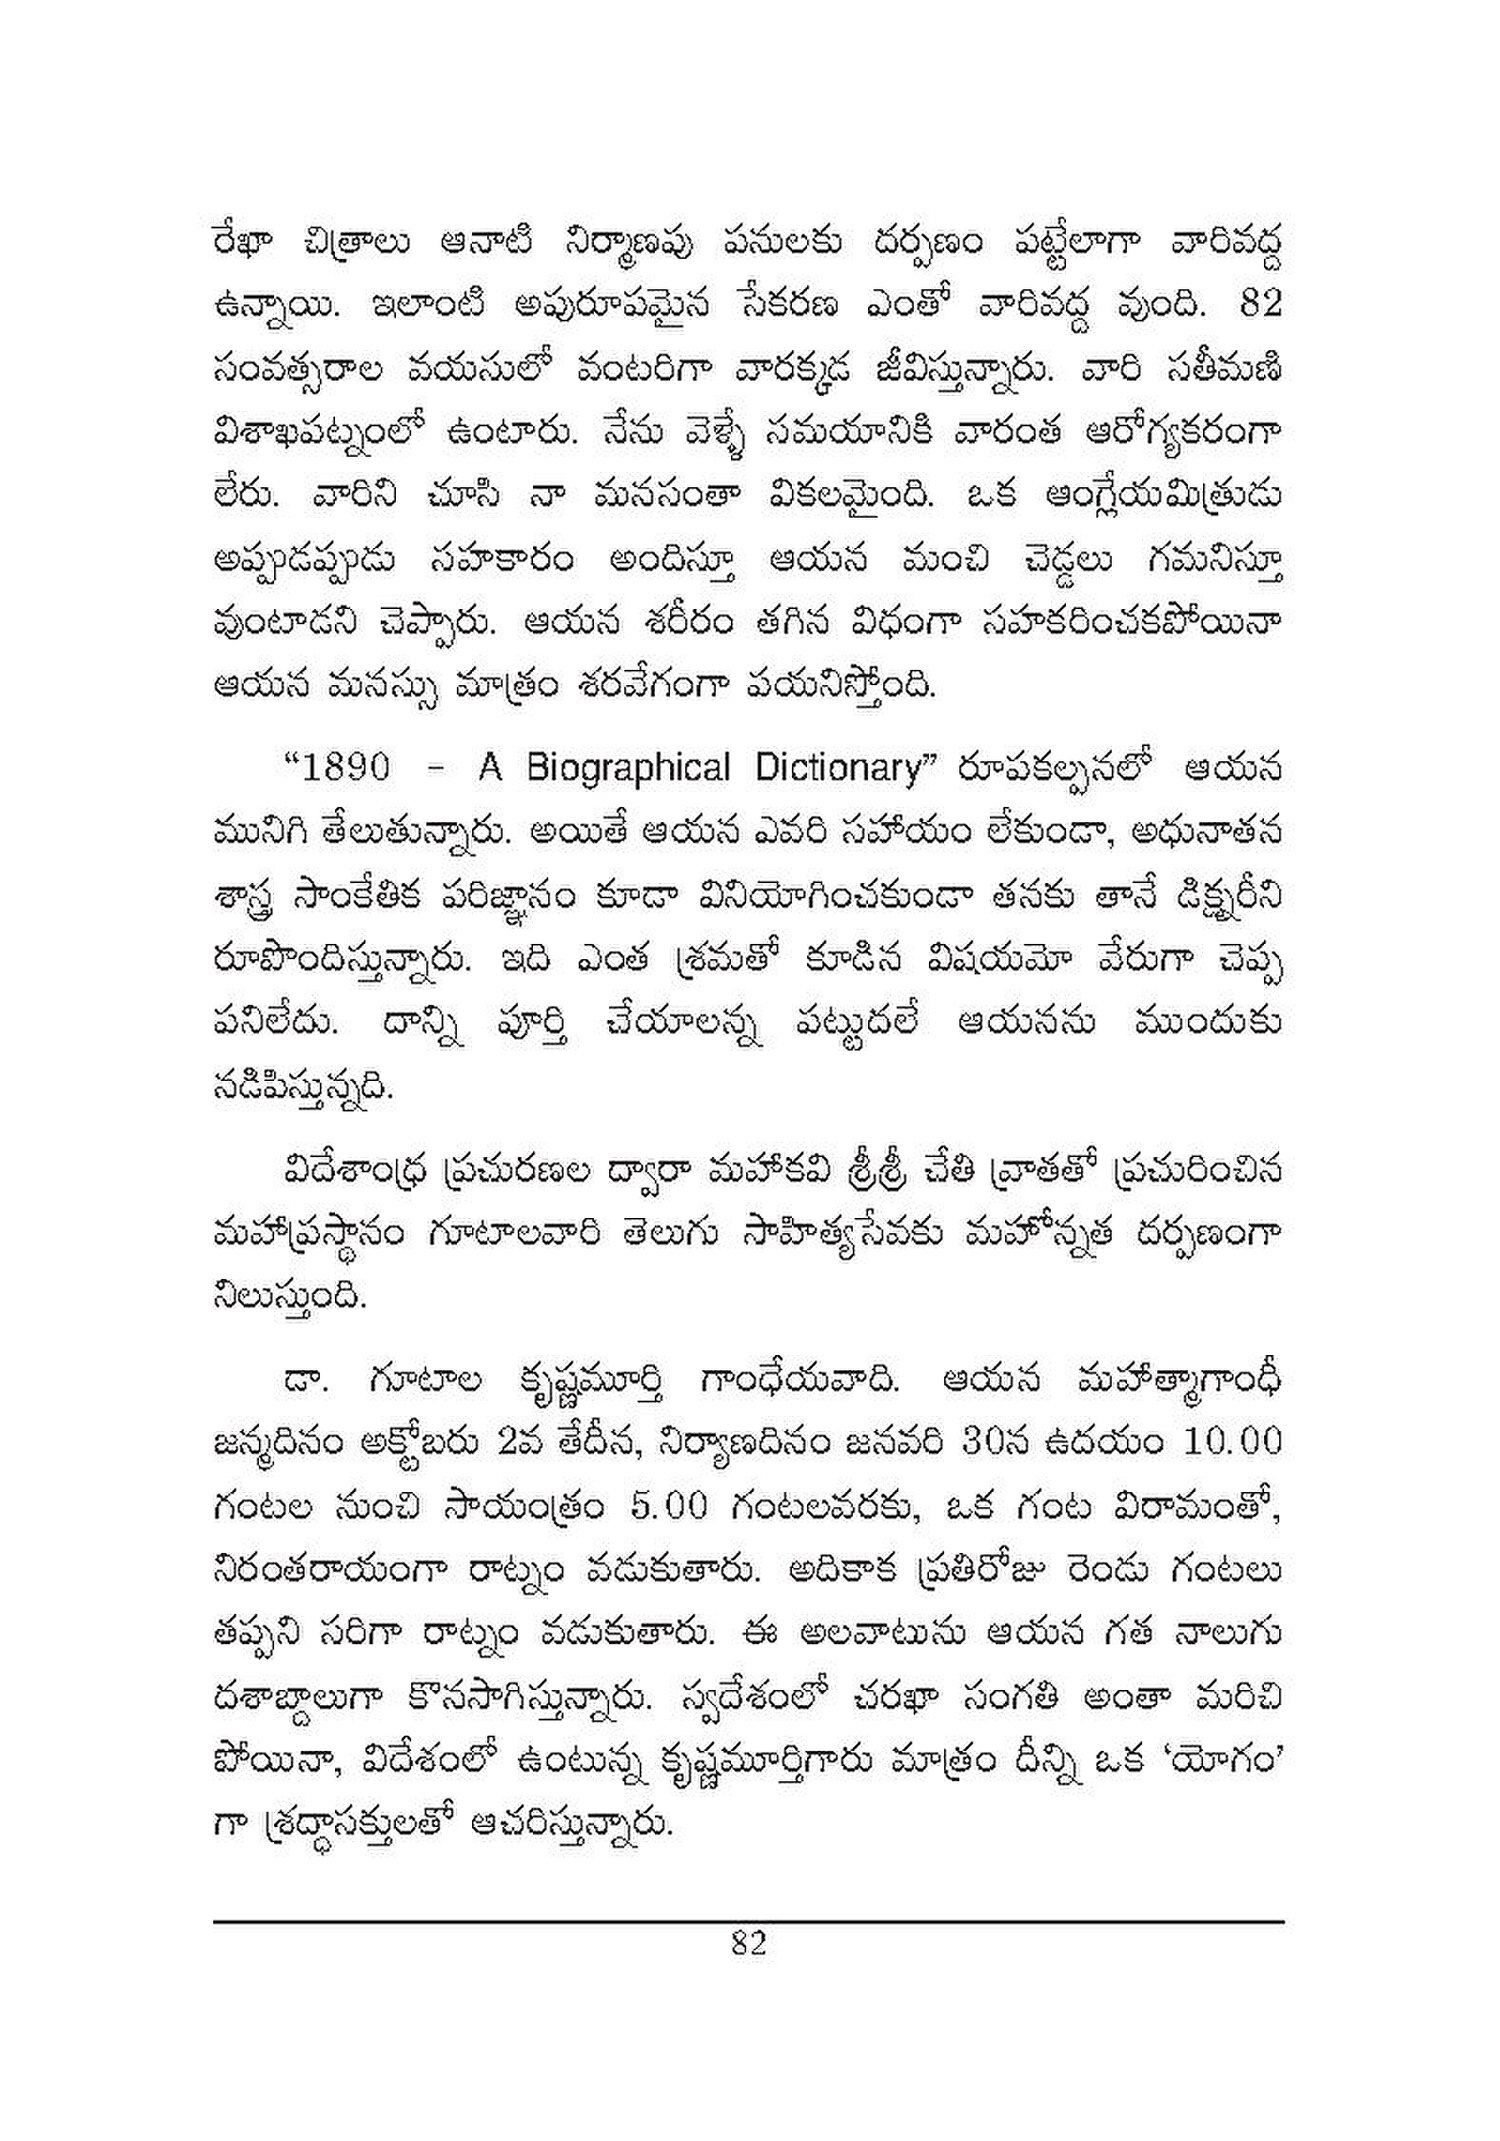రేఖా చిత్రాలు ఆనాటి నిర్మాణపు పనులకు దర్పణం 3 వారివద్ద ఉన్నాయి. ఇలాంటి అపురూపమైన సేకరణ ఎంతో వారివద్ద వుంది. 82 సంవత్సరాల వయసులో వంటరిగా వారక్కడ జీవిస్తున్నారు. వారి సతీమణి విశాఖపట్నంలో ఉంటారు. నేను వెళ్లే సమయానికి వారంత ఆరోగ్యకరంగా లేరు. వారిని చూసి నా మనసంతా వికలమైంది. ఒక ఆంగ్లేయమిత్రుడు అప్పడప్పుడు సహకారం అందిస్తూ ఆయన మంచి చెడ్డలు గమనిస్తూ వుంటాడని చెప్పారు. ఆయన శరీరం తగిన విధంగా సహకరించకపోయినా ఆయన మనస్సు మాత్రం శరవేగంగా పయనిస్తోంది.

"1890 – A Biographical Dictionary” రూపకల్పనలో ఆయన మునిగి తేలుతున్నారు. అయితే ఆయన ఎవరి సహాయం లేకుండా, అధునాతన శాస్త్ర సాంకేతిక పరిజ్ఞానం కూడా వినియోగించకుండా తనకు తానే డిక్ష్నరీని రూపొందిస్తున్నారు. ఇది ఎంత శ్రమతో కూడిన విషయమో వేరుగా చెప్ప పనిలేదు. దాన్ని పూర్తి చేయాలన్న పట్టదలే ఆయనను ముందుకు నడిపిస్తున్నది.

విదేశాంధ్ర ప్రచురణల ద్వారా మహాకవి శ్రీశ్రీ చేతి వ్రాతతో ప్రచురించిన మహాప్రస్థానం గూటాలవారి తెలుగు సాహిత్యసేవకు మహోన్నత దర్పణంగా నిలుస్తుంది.

డా. గూటాల కృష్ణమూర్తి గాంధేయవాది. ఆయన మహాత్మాగాంధీ జన్మదినం అక్టోబరు 2వ తేదీన, నిర్యాణదినం జనవరి 30న ఉదయం 10.00 గంటల నుంచి సాయంత్రం 5.00 గంటలవరకు, ఒక గంట విరామంతో, నిరంతరాయంగా రాట్నం వడుకుతారు. అదికాక ప్రతిరోజు రెండు గంటలు తప్పని సరిగా రాట్నం వడుకుతారు. ఈ అలవాటును ఆయన గత నాలుగు దశాబ్దాలుగా కొనసాగిస్తున్నారు. స్వదేశంలో చరఖా సంగతి అంతా మరిచి పోయినా, విదేశంలో ఉంటున్న కృష్ణమూర్తిగారు మాత్రం దీన్ని ఒక 'యోగం' గా శ్రద్ధాసక్తులతో ఆచరిస్తున్నారు.